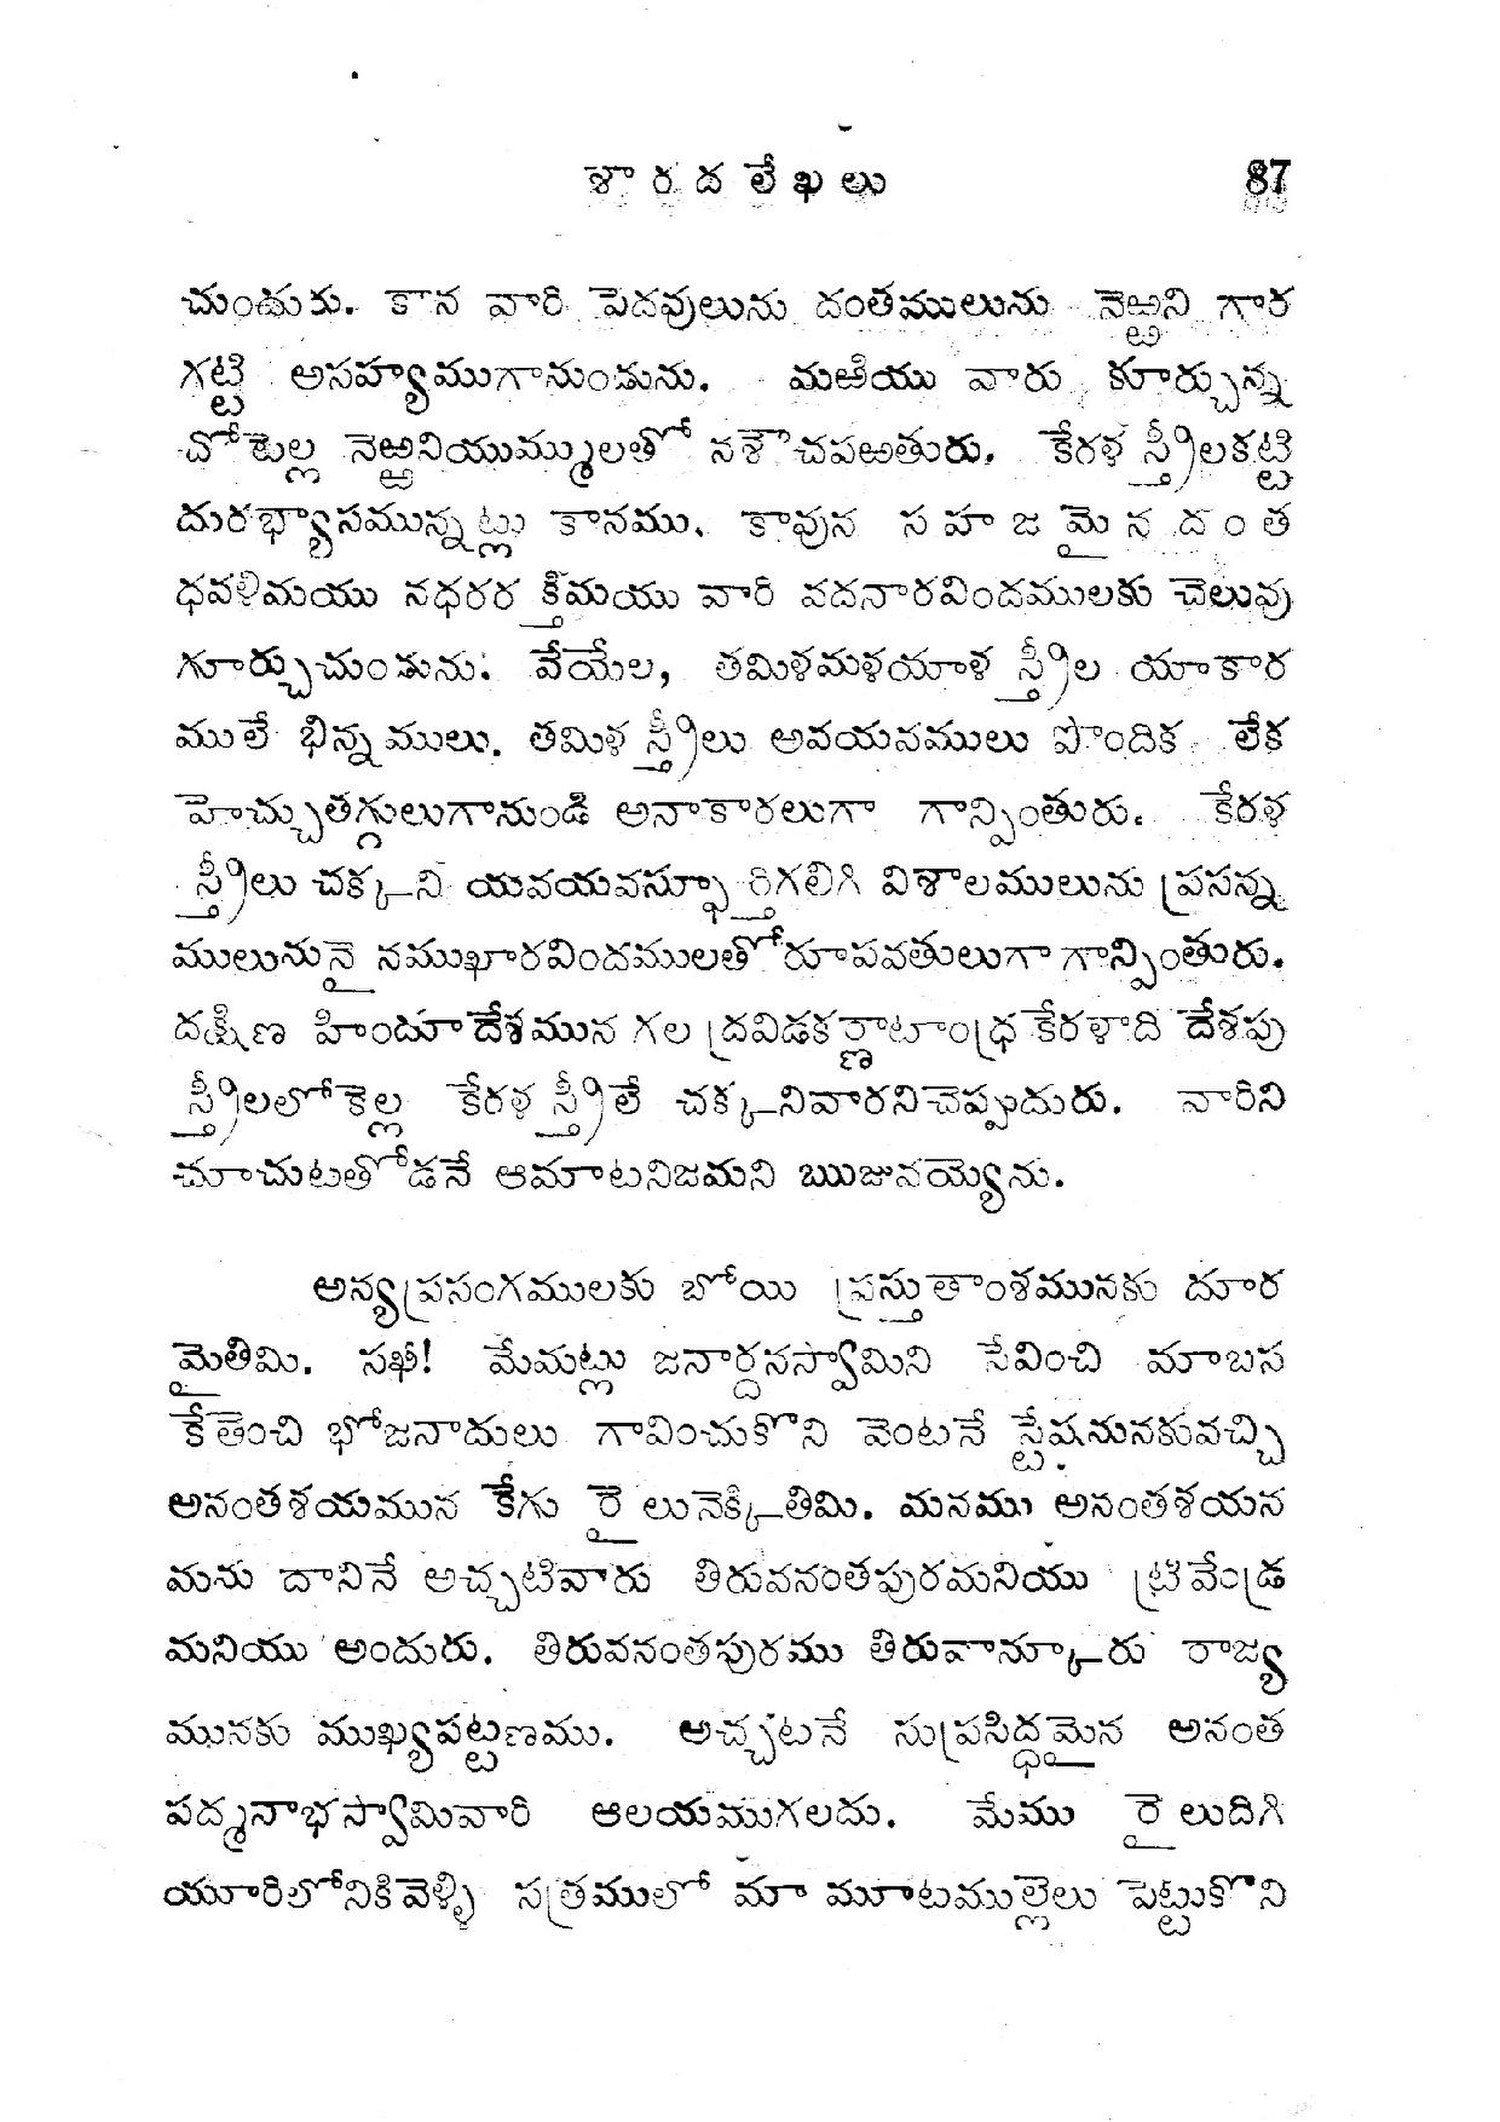చుందురు. కాన వారి పెదవులును దంతములును నెఱ్ఱని గారగట్టి అసహ్యముగానుండును. మఱియు వారు కూర్చున్న చోటెల్ల నెఱ్ఱనియుమ్ములతో నశౌచపఱతురు. కేరళస్త్రీలకట్టి దురభ్యాసమున్నట్లు కానము. కావున సహజమైనదంత ధవళిమయు నధరరక్తిమయు వారి వదనారవిందములకు చెలువు
గూర్చుచుండును. వేయేల, తమిళమళయాళస్త్రీల యాకారములే భిన్నములు. తమిళస్త్రీలు అవయవములు పొందిక లేక హెచ్చుతగ్గులుగానుండి అనాకారలుగా గాన్పింతురు. కేరళస్త్రీలు చక్కని యవయవస్ఫూర్తిగలిగి విశాలములును ప్రసన్నములునునైన ముఖారవిందములతో రూపవతులుగా గాన్పింతురు. దక్షిణ హిందూదేశమున గల ద్రవిడకర్ణాటాంధ్రకేరళాది దేశపు స్త్రీలలోకెల్ల కేరళస్త్రీలే చక్కనివారని చెప్పుదురు. వారిని
చూచుటతోడనే ఆమాటనిజమని ఋజువయ్యెను.

అన్యప్రసంగములకు బోయి ప్రస్తుతాంశమునకు దూరమైతిమి. సఖీ! మేమట్లు జనార్ధనస్వామిని సేవించి మాబసకేతెంచి భోజనాదులు గావించుకొని వెంటనే స్టేషనునకువచ్చి అనంతశయమున కేగు రైలునెక్కితిమి. మనము అనంతశయనమను దానినే అచ్చటివారు తిరువనంతపురమనియు ట్రివేండ్రమనియు అందురు. తిరువనంతపురము తిరువాన్కూరు రాజ్యమునకు ముఖ్యపట్టణము. అచ్చటనే సుప్రసిద్ధమైన అనంత
పద్మనాభస్వామివారి ఆలయముగలదు. మేము రైలుదిగి యూరిలోనికివెళ్ళి సత్రములో మా మూటముల్లెలు పెట్టుకొని